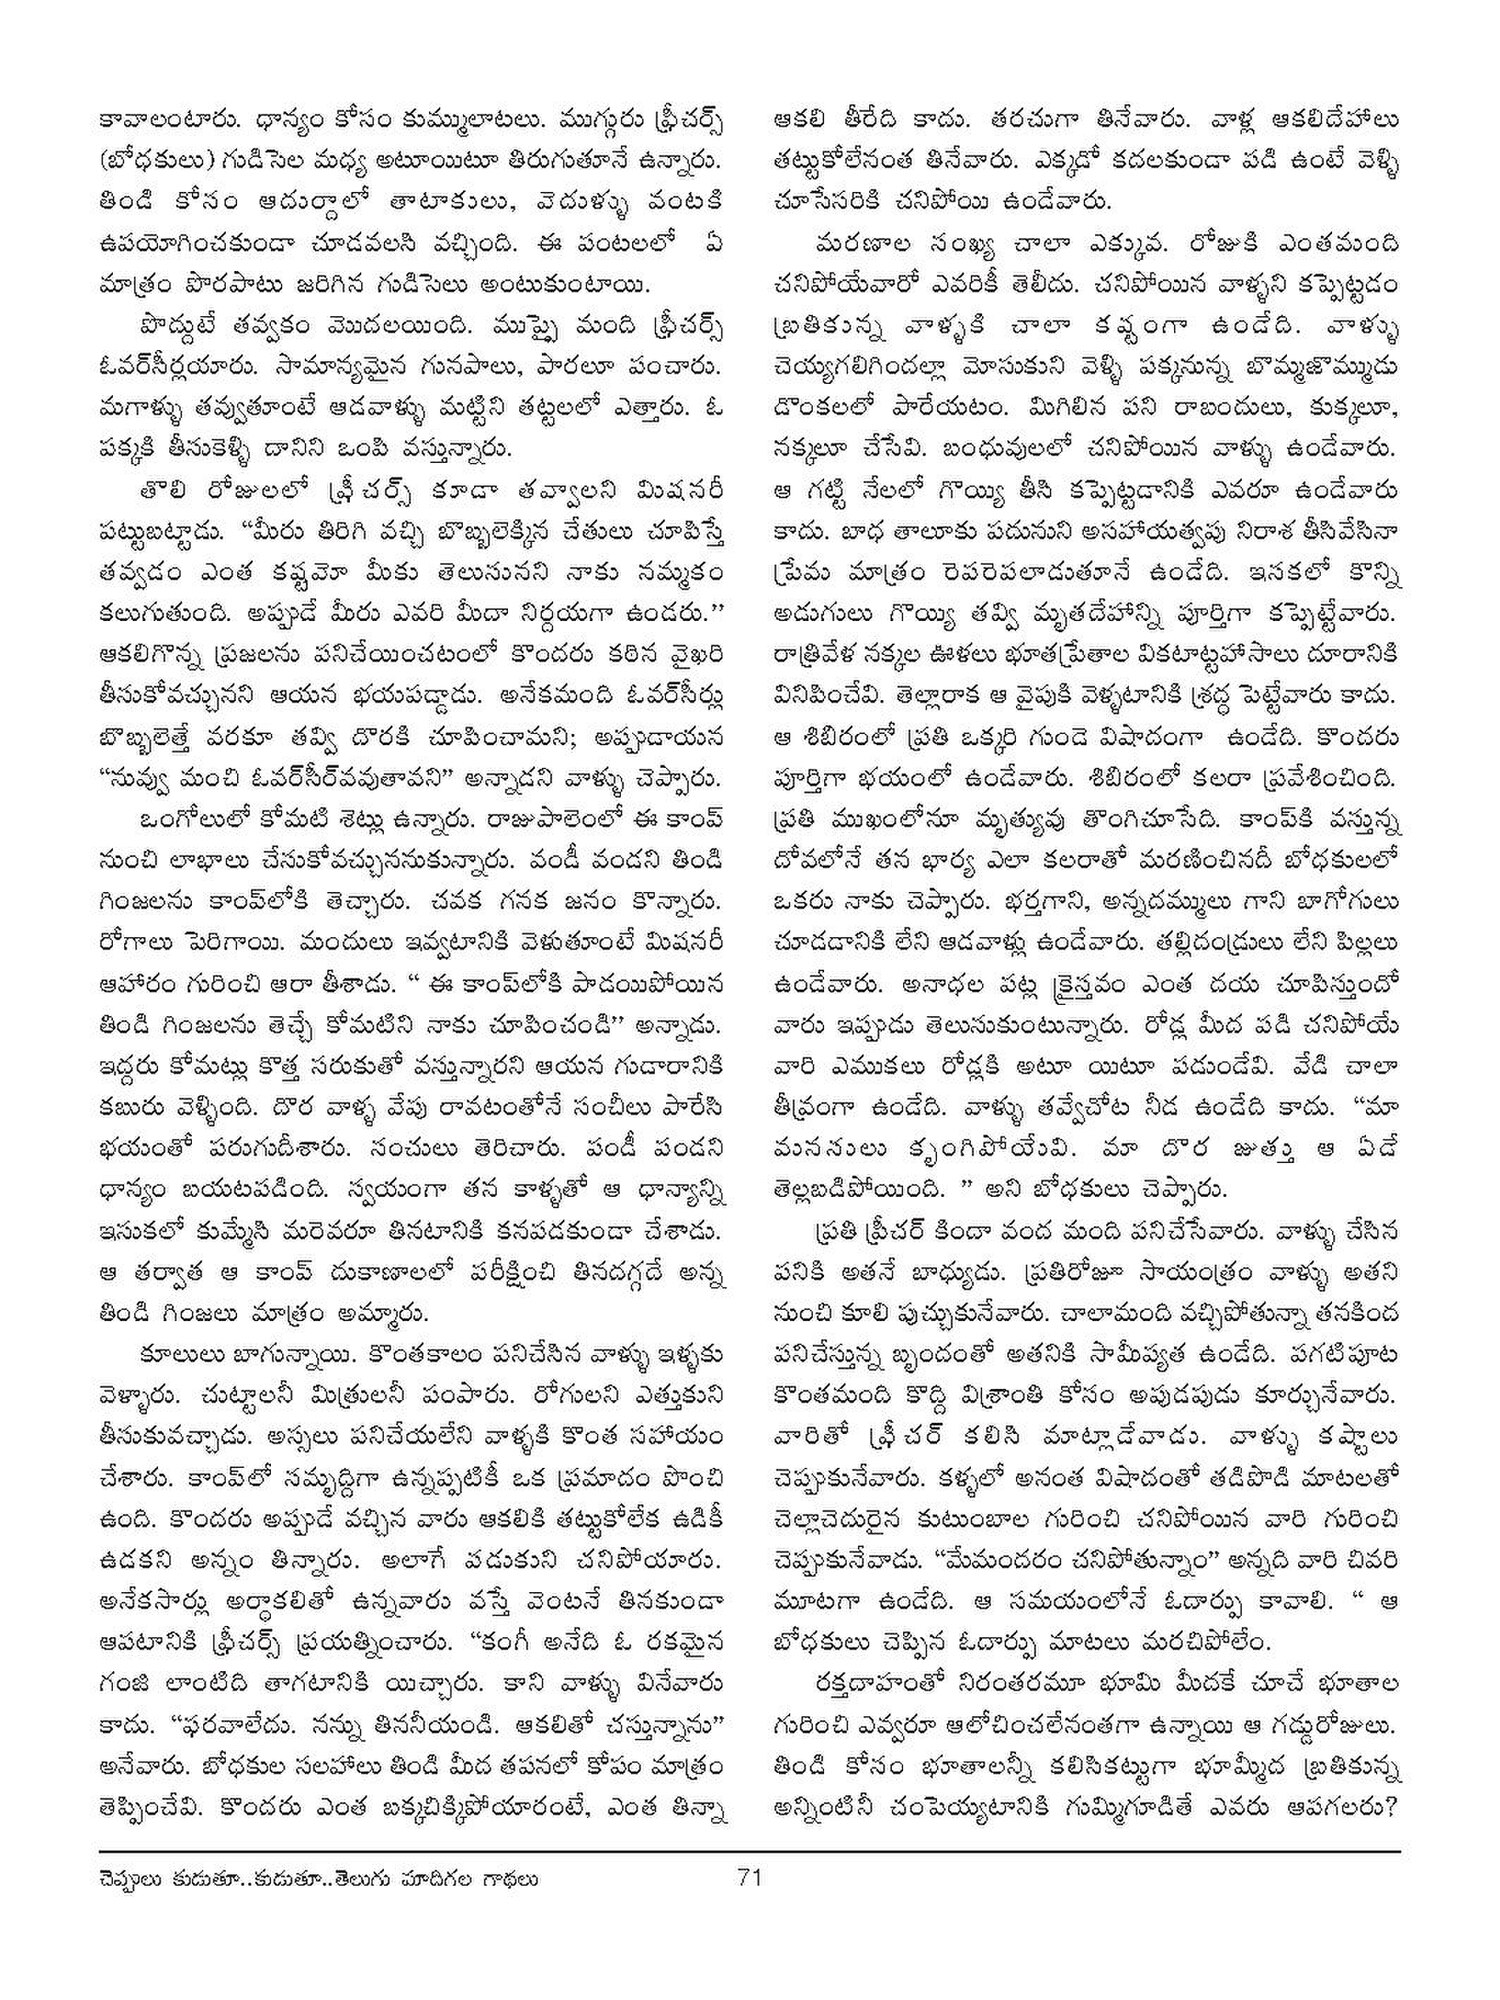కావాలంటారు. ధాన్యం కోసం కుమ్ములాటలు, ముగ్గురు ఫ్రీచర్స్ (బోధకులు) గుడిసెల మధ్య అటూయిటూ తిరుగుతూనే ఉన్నారు. తిండి కోసం ఆదుర్దాలో తాటాకులు, వెదుళ్ళు వంటకి ఉపయోగించకుండా చూడవలసి వచ్చింది. ఈ వంటలలో ఏ మాత్రం పొరపాటు జరిగిన గుడిసెలు అంటుకుంటాయి.

పొద్దుటే తవ్వకం మొదలయింది. ముప్పై మంది ఫ్రీచర్స్ ఓవర్‌సీర్లయారు. సామాన్యమైన గునపాలు, పారలూ పంచారు. మగాళ్ళు తవ్వుతూంటే ఆడవాళ్ళు మట్టిని తట్టలలో ఎత్తారు. ఓ పక్కకి తీసుకెళ్ళి దానిని ఒంపి వస్తున్నారు.

తొలి రోజులలో ఫ్రీచర్స్ కూడా తవ్వాలని మిషనరీ పట్టుబట్టాడు. "మీరు తిరిగి వచ్చి బొబ్బలెక్కిన చేతులు చూపిస్తే తవ్వడం ఎంత కష్టమో మీకు తెలుసునని నాకు నమ్మకం కలుగుతుంది. అప్పుడే మీరు ఎవరి మీదా నిర్దయగా ఉండరు.” ఆకలిగొన్న ప్రజలను పనిచేయించటంలో కొందరు కఠిన వైఖరి తీసుకోవచ్చునని ఆయన భయపడ్డాడు. అనేకమంది ఓవర్‌సీర్లు బొబ్బలెత్తే వరకూ తవ్వి దొరకి చూపించామని; అప్పుడాయన "నువ్వు మంచి ఓవర్‌సీర్‌వవుతావని" అన్నాడని వాళ్ళు చెప్పారు.

ఒంగోలులో కోమటి శెట్లు ఉన్నారు. రాజుపాలెంలో ఈ కాంప్ నుంచి లాభాలు చేసుకోవచ్చుననుకున్నారు. వండీ వండని తిండి గింజలను కాంప్‌లోకి తెచ్చారు. చవక గనక జనం కొన్నారు. రోగాలు పెరిగాయి. మందులు ఇవ్వటానికి వెళుతూంటే మిషనరీ ఆహారం గురించి ఆరా తీశాడు. "ఈ కాంప్‌లోకి పాడయిపోయిన తిండి గింజలను తెచ్చే కోమటిని నాకు చూపించండి" అన్నాడు. ఇద్దరు కోమట్లు కొత్త సరుకుతో వస్తున్నారని ఆయన గుడారానికి కబురు వెళ్ళింది. దొర వాళ్ళ వేపు రావటంతోనే సంచీలు పారేసి
భయంతో పరుగుదీశారు. సంచులు తెరిచారు. పండీ పండని ధాన్యం బయటపడింది. స్వయంగా తన కాళ్ళతో ధాన్యాన్ని ఇసుకలో కుమ్మేసి మరెవరూ తినటానికి కనపడకుండా చేశాడు. ఆ తర్వాత ఆ కాంప్ దుకాణాలలో పరీక్షించి తినదగ్గదే అన్న తిండి గింజలు మాత్రం అమ్మారు.

కూలులు బాగున్నాయి. కొంతకాలం పనిచేసిన వాళ్ళు ఇళ్ళకు వెళ్ళారు. చుట్టాలనీ మిత్రులనీ పంపారు. రోగులని ఎత్తుకుని తీసుకువచ్చాడు. అస్సలు పనిచేయలేని వాళ్ళకి కొంత సహాయం చేశారు. కాంప్‌లో సమృద్ధిగా ఉన్నప్పటికీ ఒక ప్రమాదం పొంచి ఉంది. కొందరు అప్పుడే వచ్చిన వారు ఆకలికి తట్టుకోలేక ఉడికీ ఉడకని అన్నం తిన్నారు. అలాగే పడుకుని చనిపోయారు. అనేకసార్లు అర్ధాకలితో ఉన్నవారు వస్తే వెంటనే తినకుండా ఆపటానికి ఫ్రీచర్స్ ప్రయత్నించారు. "కంగీ అనేది ఓ రకమైన గంజి లాంటిది తాగటానికి యిచ్చారు. కాని వాళ్ళు వినేవారు కాదు. "ఫరవాలేదు. నన్ను తిననీయండి. ఆకలితో చస్తున్నాను” అనేవారు. బోధకుల సలహాలు తిండి మీద తపనలో కోపం మాత్రం తెప్పించేవి. కొందరు ఎంత బక్కచిక్కిపోయారంటే, ఎంత తిన్నా ఆకలి తీరేది కాదు. తరచుగా తినేవారు. వాళ్ల ఆకలిదేహాలు
తట్టుకోలేనంత తినేవారు. ఎక్కడో కదలకుండా పడి ఉంటే వెళ్ళి చూసేసరికి చనిపోయి ఉండేవారు.

మరణాల సంఖ్య చాలా ఎక్కువ. రోజుకి ఎంతమంది చనిపోయేవారో ఎవరికీ తెలీదు. చనిపోయిన వాళ్ళని కప్పెట్టడం బ్రతికున్న వాళ్ళకి చాలా కష్టంగా ఉండేది. వాళ్ళు చెయ్యగలిగిందల్లా మోసుకుని వెళ్ళి పక్కనున్న బొమ్మజొమ్ముడు డొంకలలో పారేయటం. మిగిలిన పని రాబందులు, కుక్కలూ, నక్కలూ చేసేవి. బంధువులలో చనిపోయిన వాళ్ళు ఉండేవారు. ఆ గట్టి నేలలో గొయ్యి తీసి కప్పెట్టడానికి ఎవరూ ఉండేవారు కాదు. బాధ తాలూకు పదునుని అసహాయత్వపు నిరాశ తీసివేసినా ప్రేమ మాత్రం రెపరెపలాడుతూనే ఉండేది. ఇసకలో కొన్ని అడుగులు గొయ్యి తవ్వి మృతదేహాన్ని పూర్తిగా కప్పెట్టేవారు.
రాత్రివేళ నక్కల ఊళలు భూతప్రేతాలు వికటాట్టహాసాలు దూరానికి వినిపించేవి. తెల్లారాక ఆ వైపుకి వెళ్ళటానికి శ్రద్ధ పెట్టేవారు కాదు. ఆ శిబిరంలో ప్రతి ఒక్కరి గుండె విషాదంగా ఉండేది. కొందరు పూర్తిగా భయంలో ఉండేవారు. శిబిరంలో కలరా ప్రవేశించింది. ప్రతి ముఖంలోనూ మృత్యువు తొంగిచూసేది. కాంప్‌కి వస్తున్న దోవలోనే తన భార్య ఎలా కలరాతో మరణించినదీ బోధకులలో ఒకరు నాకు చెప్పారు. భర్తగాని, అన్నదమ్ములు గాని బాగోగులు చూడడానికి లేని ఆడవాళ్లు ఉండేవారు. తల్లిదండ్రులు లేని పిల్లలు ఉండేవారు. అనాధల పట్ల క్రైస్తవం ఎంత దయ చూపిస్తుందో వారు ఇప్పుడు తెలుసుకుంటున్నారు. రోడ్ల మీద పడి చనిపోయే వారి ఎముకలు రోడ్లకి అటూ యిటూ పడుండేవి. వేడి చాలా తీవ్రంగా ఉండేది. వాళ్ళు తవ్వేచోట నీడ ఉండేది కాదు. "మా మననులు కృంగిపోయేవి. మా దొర జుత్తు ఆ ఏడే తెల్లబడిపోయింది. " అని బోధకులు చెప్పారు.

ప్రతి ఫ్రీచర్ కింద వంద మంది పనిచేసేవారు. వాళ్ళు చేసిన పనికి అతనే బాధ్యుడు. ప్రతిరోజూ సాయంత్రం వాళ్ళు అతని నుంచి కూలి పుచ్చుకునేవారు. చాలామంది వచ్చిపోతున్నా తనకింద పనిచేస్తున్న బృందంతో అతనికి సామీప్యత ఉండేది. పగటిపూట కొంతమంది కొద్ది విశ్రాంతి కోసం అప్పుడప్పుడు కూర్చునేవారు. వారితో ఫ్రీచర్ కలిసి మాట్లాడేవాడు. వాళ్ళు కష్టాలు చెప్పుకునేవారు. కళ్ళలో అనంత విషాదంతో తడిపొడి మాటలతో చెల్లాచెదురైన కుటుంబాల గురించి చనిపోయిన వారి గురించి చెప్పుకునేవాడు. "మేమందరం చనిపోతున్నాం" అన్నది వారి చివరి మాటగా ఉండేది. ఆ సమయంలోనే ఓదార్పు కావాలి. "ఆ బోధకులు చెప్పిన ఓదార్పు మాటలు మరచిపోలేం.

రక్తదాహంతో నిరంతరమూ భూమి మీదకే చూచే భూతాల గురించి ఎవ్వరూ ఆలోచించలేనంతగా ఉన్నాయి ఆ గడ్డు రోజులు. తిండి కోసం భూతాలన్నీ కలిసికట్టుగా భూమ్మీద బ్రతికున్న అన్నింటినీ చంపెయ్యటానికి గుమ్మిగూడితే ఎవరు ఆపగలరు?